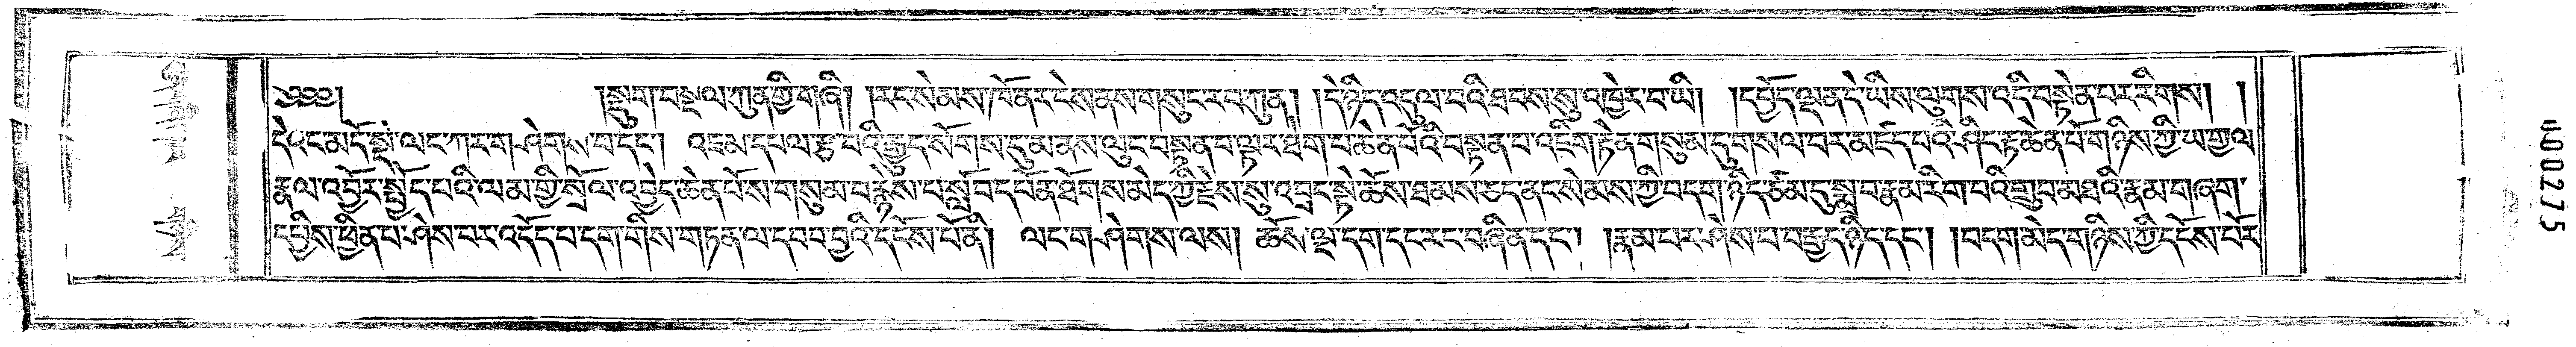༄༅། །སྡུག་བསྔལ་ཀུན་གྱི་གཞི། །རང་སེམས་ཁོ་ནར་ངེས་ནས་གསུང་རབ་ཀུན། །དེ་ཉིད་འདུལ་བའི་ཐབས་སུ་འཁྱེར་བ་ཡི། །དཔྱོད་ལྡན་དེ་ཡིས་ལུགས་འདི་བསྟེན་པར་རིགས། །
དེའང་མདོ་སྡེ་ལང་ཀར་གཤེགས་པ་དང་། འཇམ་དཔལ་རྩ་བའི་རྒྱུད་སོགས་དུ་མནས་ལུང་བསྟན་པ་ལྟར་ཐེག་པ་ཆེན་པོའི་བསྟན་པ་འཇིག་རྟེན་གསུམ་དུ་གསལ་བར་མཛད་པའི་ཤིང་རྟ་ཆེན་པོ་གཉིས་ཀྱི་ཡ་གྱལ་
རྣལ་འབྱོར་སྤྱོད་པའི་ལམ་གྱི་སྲོལ་འབྱེད་ཆེན་པོས་གསུམ་བརྙེས་པ་སློབ་དཔོན་ཐོགས་མེད་ཀྱི་རྗེས་སུ་འབྲང་སྟེ་ཆོས་ཐམས་ཅད་ནང་སེམས་ཀྱི་བདག་ཉིད་ཙམ་དུ་སྨྲ་བ་རྣམ་རིག་བའི་གྲུབ་མཐའི་རྣམ་གཞག་
དབྱིས་ཕྱིན་བ་ཤེས་བར་འདོད་པ་དག་གིས་གཏན་ལ་དབབ་བྱའི་དངོས་པོ་ནི། ལང་གཤེགས་ལས། ཆོས་ལྔ་དག་དང་རང་བཞིན་དང་། །རྣམ་པར་ཤེས་པ་བརྒྱད་ཉིད་དང་། །བདག་མེད་གཉིས་ཀྱི་དངོས་པོར་